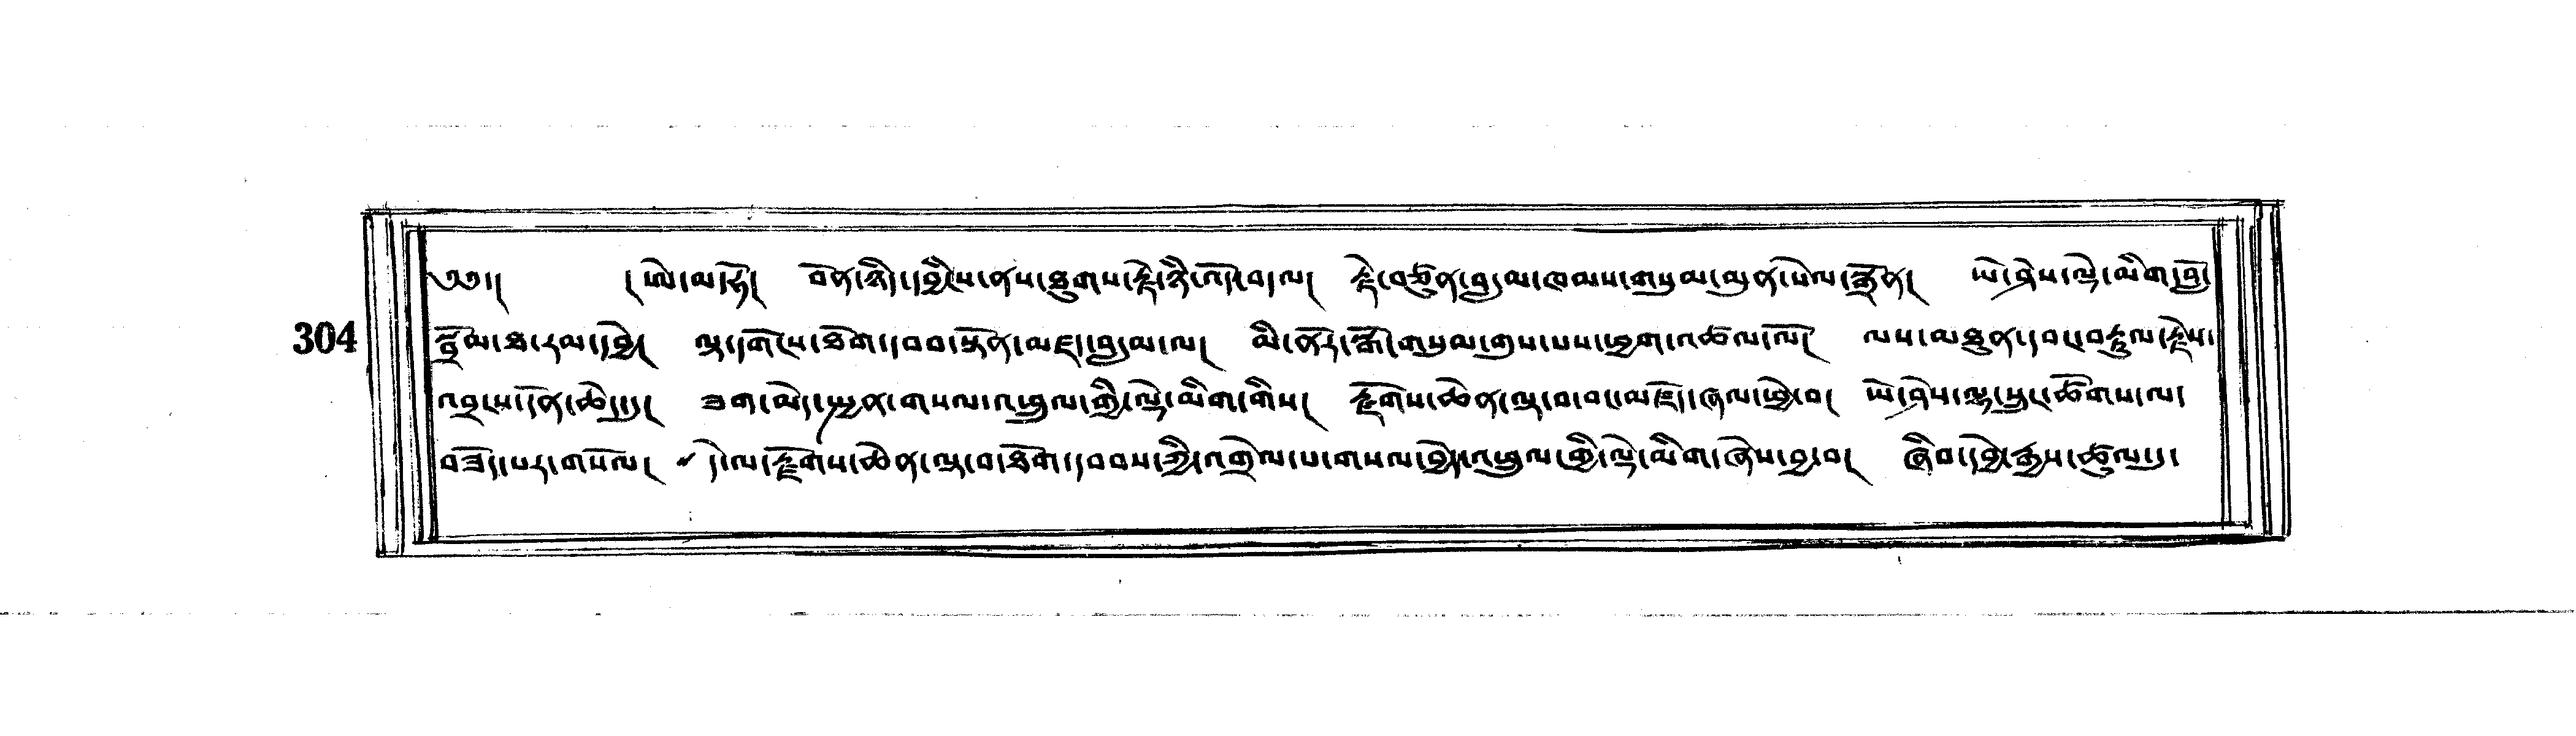༄༅། །ཨེ་མ་ཧོ། བོན་ཉིད་དབྱིངས་ནས་ཐུགས་རྗེ་ཉི་འོད་བདལ། རྗེ་བཙུན་བླ་མ་ཁམས་གསུམ་མུན་སེལ་སྒྲོན། ཡེ་ཤེས་ལྡེ་མིག་བློ་
གྲོས་ཐ་རམ་དབྱེ། ལྟ་དགོངས་ཐོག་བབས་སྟོན་མཛད་བླ་མ་ལ། མི་ནོར་སྒོ་གསུམ་གུས་པས་ཕྱག་འཚལ་ལོ། ལས་མཐུན་དབང་རྟུལ་རྗེས་
འབྲངས་དོན་ཆེད་དུ། ཟག་མེད་སྤྱན་གསལ་འཕྲུལ་གྱི་ལྡེ་མིག་གིས། རྫོགས་ཆེན་ལྟ་བ་བང་མཛོད་ཞལ་ཕྱེ་བ། ཡེ་ཤེས་ལྷ་སྲུང་ཚོགས་ལ་
བཟོད་པར་གསོལ། དེ་ལ་རྫོགས་ཆེན་ལྟ་བ་ཐོག་དབབ་ཀྱི་འགྲེལ་བ་གསལ་བྱེད་འཕྲུལ་གྱི་སྒྲོན་མེ་ཞེས་བྱ་བ། ཞིབ་དབྱེ་རྒྱས་ཚུལ་དུ་